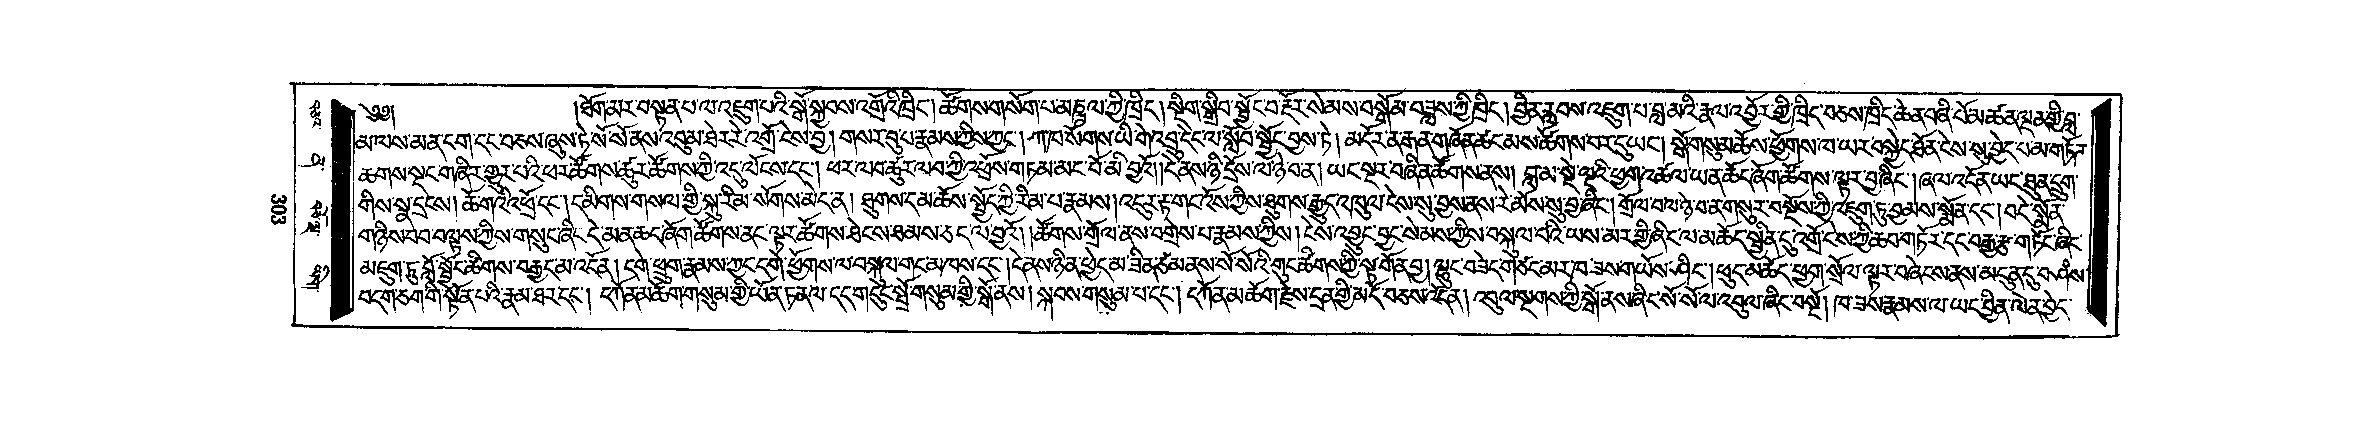༄༅། །ཐོག་མར་བསྟན་པ་ལ་འཇུག་པའི་སྒོ་སྐྱབས་འགྲོའི་ཁྲིང་། ཚོགས་གསོག་པ་མཎྜལ་ཀྱི་ཁྲིད། སྡིག་སྒྲིབ་སྦྱོང་བ་རྡོར་སེམས་བསྒོམ་བཟླས་ཀྱི་ཁྲིད། བྱིན་རླབས་འཇུག་པ་བླ་མའི་རྣལ་འབྱོར་གྱི་ཁྲིད་བཅས་ཁྲིད་ཆེན་བཞི་པོ་མཚན་ལྡན་གྱི་བླ་
མ་ལས་མན་ངག་དང་བཅས་ཞུས་ཏེ་སོ་སོ་ནས་འབུམ་ཐེར་རེ་འགྲོ་ངེས་བྱ། གསར་བུ་པ་རྣམས་ཀྱིས་ཀྱང་། ཀ་ཁ་སོགས་ཡི་གེ་འབྲུ་དེང་ལ་སློབ་སྦྱོང་བྱས་ཏེ། མདོར་ན་རྒན་གཞོན་ཚང་མས་ཚོགས་བར་དུ་ཡང་། སྒོ་གསུམ་ཆོས་ཕྱོགས་ལ་ཡར་བསྐྱེད་ཐོན་ངེས་སུ་བྱེད་པ་མ་གཏོགས་
ཆགས་སྡང་གཞིར་གྱུར་པའི་ཕར་ཚོགས་ཚུར་ཚོགས་ཀྱི་འདུ་ལོངས་དང་། ཕར་ལབ་ཚུར་ལབ་ཀྱི་འཕྲོས་གཏམ་མང་པོ་མི་བྱའོ། །དེ་ནས་ཉི་དྲོས་ལ་ཉེ་བ་ན། ཡང་སྔར་བཞིན་ཚོགས་ནས། བླ་མ་སྡེ་ལྔའི་ཕྱག་འཚལ་ཡན་ཆོད་ཞོག་ཚོགས་ལྟར་བྱ་ཞིང་། ཞལ་འདོན་ཡང་ཐུན་དྲུག་
གིས་སྣ་དྲངས། ཆོ་གའི་འཕྲོ་དང་། དམིགས་གསལ་གྱི་སྐུ་རིམ་སོགས་མེད་ན། ཐུགས་དམ་ཆོས་སྤྱོད་ཀྱི་རིམ་པ་རྣམས། འདུར་རྟ་གང་འོས་ཀྱིས་ཐུགས་རྒྱུད་འཁུལ་ངེས་སུ་བྱས་ནས་རེ་མོས་སུ་བྱ་ཞིང་། གྲོལ་བ་ལ་ཉེ་བ་ན་གསུར་བསྔོས་ཀྱི་འཇུག་ཏུ་བྱམས་སྨོན་དང་། བདེ་སྨོན་
གཉིས་བབ་བལྟས་ཀྱིས་གསུང་ཞིང་དེ་མན་ཆད་ཞོག་ཚོགས་ནང་ལྟར་ཚོགས་ཐེངས་ཐམས་ཅད་ལ་བྱའོ། །ཚོགས་གྲོལ་ནས་བགྲེས་པ་རྣམས་ཀྱིས། ངེས་འབྱུང་བྱང་སེམས་ཀྱིས་བསྐུལ་བའི་ཡས་མར་གྱི་ཞིང་ལ་མཆོད་སྦྱིན་དུ་འགྲོ་ངེས་ཀྱི་ཆབ་གཏོར་དང་བརྒྱ་རྩ་གཏོང་ཞིང་
མཇུག་ཏུ་བློ་སྦྱོང་ཚིགས་བརྒྱད་མ་འདོན། དགེ་ཕྲུག་རྣམས་ཀྱང་དགེ་ཕྱོགས་ལ་བསྐུལ་གང་མཁས་དང་། དེ་ནས་ཉིན་ཕྱེད་མ་ཟིན་ཙམ་ནས་སོ་སོའི་གུང་ཚིགས་ཀྱི་སྟ་གོན་བྱ། ལྷུང་བཟེད་གཙང་མར་ཁ་ཟས་གཡོས་ཤིང་། ཕུད་མཆོད་ཕྱག་སྲོལ་ལྟར་བཞེངས་ནས་མདུན་དུ་བཤམས་
བདག་ཅག་གི་སྟོན་པའི་རྣམ་ཐར་དང་། དཀོན་མཆོག་གསུམ་གྱི་ཡོན་ཏན་ལ་དད་གདུང་སྤྲོ་གསུམ་གྱི་སྒོ་ནས། སྐབས་གསུམ་པ་དང་། དཀོན་མཆོག་རྗེས་དྲན་གྱི་མདོ་བཅས་འདོན། འབུལ་སྔགས་ཀྱི་སྒོ་ནས་ཞིང་སོ་སོ་ལ་འབུལ་ཞིང་བསྔོ། ཁ་ཟས་རྣམས་ལ་ཡང་བྱིན་ལེན་བྱེད་